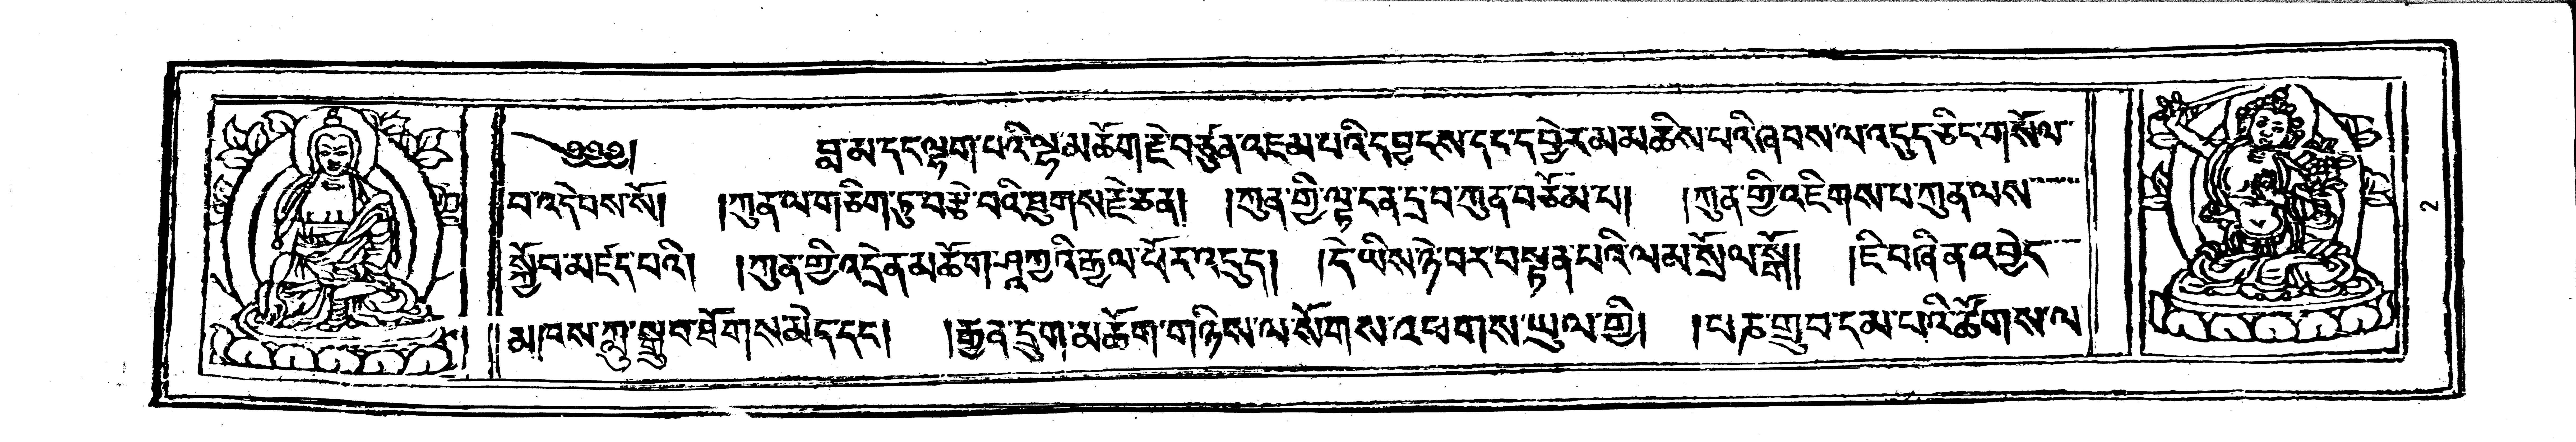༄༅༅། བླ་མ་དང་ལྷག་པའི་ལྷ་མཆོག་རྗེ་བཙུན་འཇམ་པའི་དབྱངས་དང་དབྱེར་མ་མཆིས་པའི་ཞབས་ལ་འདུད་ཅིང་གསོལ་
བ་འདེབས་སོ། །ཀུན་ལ་གཅིག་ཏུ་བརྩེ་བའི་ཐུགས་རྗེ་ཅན། །ཀུན་གྱི་ལྟ་ངན་དྲ་བ་ཀུན་བཅོམ་པ། །ཀུན་གྱི་འཇིགས་པ་ཀུན་ལས་
སྐྱོབ་མཛད་པའི། །ཀུན་གྱི་འདྲེན་མཆོག་ཤཱཀྱའི་རྒྱལ་པོར་འདུད། །དེ་ཡིས་ཉེ་བར་བསྟན་པའི་ལམ་སྲོལ་སྒོ། །ཇི་བཞིན་འབྱེད་
མཁས་ཀླུ་སྒྲུབ་ཐོགས་མེད་དང་། །རྒྱན་དྲུག་མཆོག་གཉིས་ལ་སོགས་འཕགས་ཡུལ་གྱི། །པཎ་གྲུབ་དམ་པའི་ཚོགས་ལ་